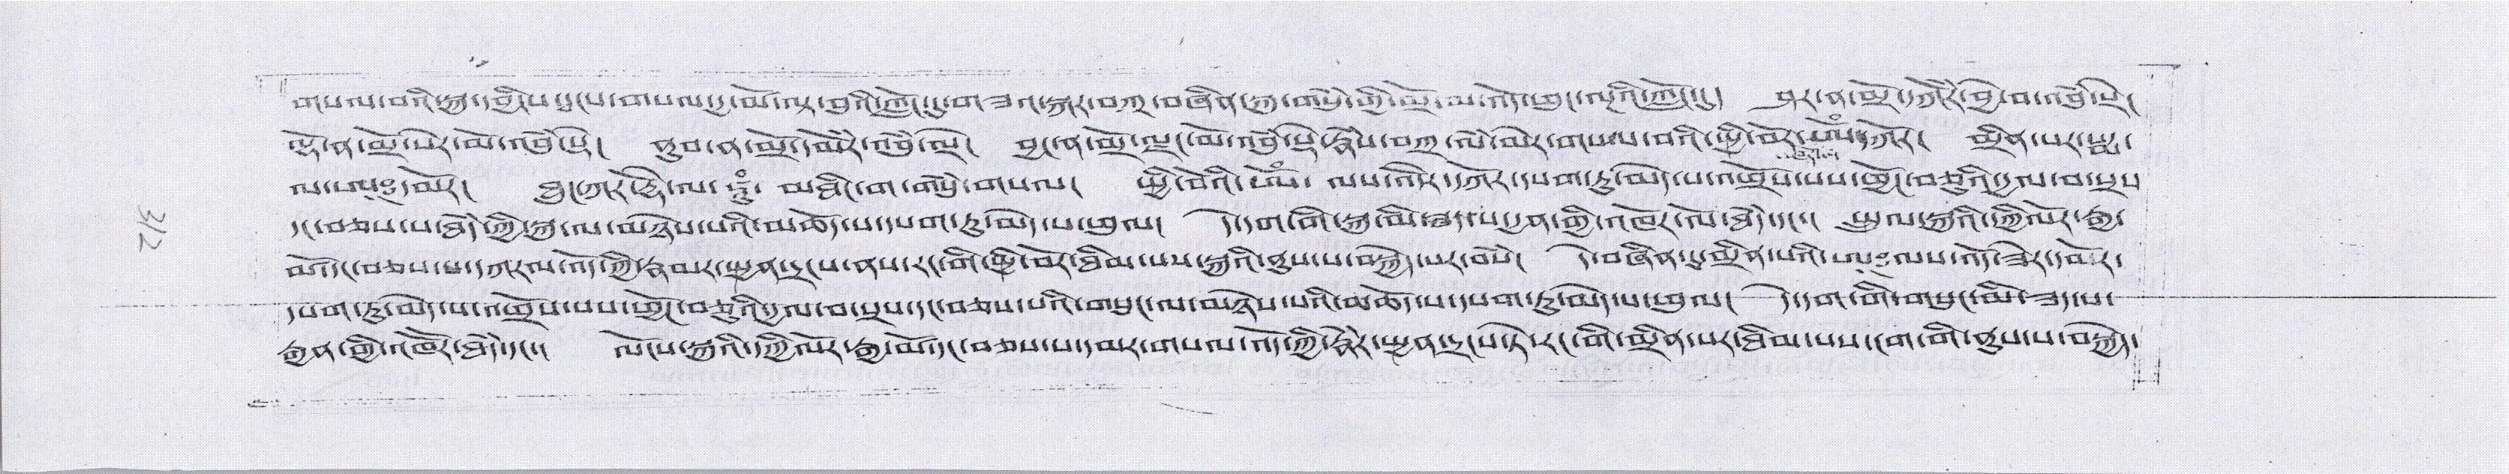གསལ་བའི་སྐུ་དབྱིངས་དྭངས་གསལ་རྒྱ་མཚོ་ལྟ་བུའི་ཀློང་དུ་གཟའ་སྐར་བཀྲ་བཞིན་སྐུ་གསུམ་གྱི་མཁའ་འགྲོ་མ་འོད་ཕུང་ལྔའི་ཀློང་དུ། ཤར་ན་མཁའ་འགྲོ་དཀར་མོ་བྱེ་བ་འབུམ་སྡེ། 
ལྷོ་ན་མཁའ་འགྲོ་སེར་མོ་འབུམ་སྡེ། ནུབ་ན་མཁའ་འགྲོ་དམར་མོ་འབུམ་སྡེ། བྱང་ན་མཁའ་འགྲོ་ལྗང་མོ་འབུམ་སྡེ་རྣམས་བཀྲ་ལམ་མེར་གསལ་བའི་སྤྱི་བོར་འཁོར་ལོ་ཨོཾ་དཀར་པོ། མགྲིན་པར་པདྨ་
ལ་ཨཱཿ་དམར་པོ། ཐུགས་ཀར་རྡོ་རྗེ་ལ་ཧཱུཾ་མཐིང་ག་གསུམ་གསལ། སྤྱི་བོའི་ཨོྃ་ལས་འོད་ཟེར་དཀར་པོ་དཔག་ཏུ་མེད་པ་འཕྲོས་པས་ཕྱོགས་བཅུའི་རྒྱལ་བ་སྲས་
དང་བཅས་པ་ཐམས་ཅད་ཀྱི་སྐུ་ལ་མཉེས་པའི་མཆོད་པ་དཔག་ཏུ་མེད་པ་ཕུལ། དེ་དག་གི་སྐུ་མི་ཟད་པ་རྒྱན་གྱི་འཁོར་ལོ་ཐམས་ཅད་དང། སྤྲུལ་སྐུའི་དཀྱིལ་འཁོར་རྒྱ་
མཚོ་དང་བཅས་པ་དཀར་ལ་འོད་ཀྱི་རྣམ་པར་སྤྱན་དྲངས་ནས་རང་གི་སྤྱི་བོར་ཐིམ་པས་སྐུའི་ནུས་པ་བསྐྱེད་པར་བསམ། དེ་བཞིན་དུ་མགྲིན་པའི་ཨཱཿལས་འོད་ཟེར་དམར་པོ་
དཔག་ཏུ་མེད་པ་འཕྲོས་པས་ཕྱོགས་བཅུའི་རྒྱལ་བ་སྲས་དང་བཅས་པའི་གསུང་ལ་མཉེས་པའི་མཆོད་པ་དཔག་ཏུ་མེད་པ་ཕུལ། དེ་དག་གི་གསུང་མི་ཟད་པ་
རྒྱན་གྱི་འཁོར་ལོ་ཐམས་ཅད་དང། ལོངས་སྐུའི་དཀྱིལ་འཁོར་རྒྱ་མཚོ་དང་བཅས་པ་དམར་གསལ་འོད་ཀྱི་རྣམ་པར་སྤྱན་དྲངས་ཏེ་རང་གི་མགྲིན་པར་ཐིམ་པས་ངག་གི་ནུས་པ་བསྐྱེད་